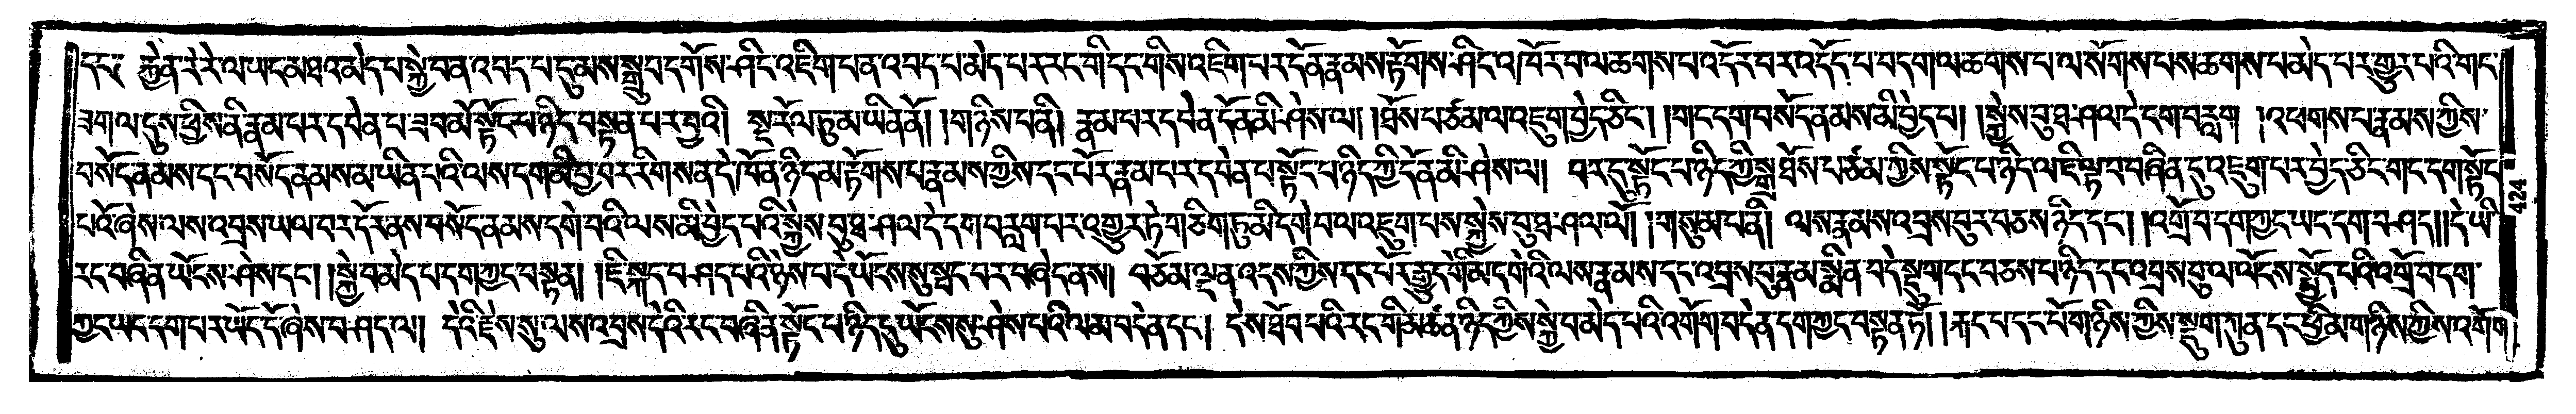དང་། རྐྱེན་རེ་རེ་ལ་ཡང་མཐའ་མེད་པ་སྐྱེ་བ་ན་འབད་པ་དུ་མས་སྒྲུབ་དགོས་ཤིང་འཇིག་པ་ན་འབད་པ་མེད་པར་རང་གི་དང་གིས་འཇིག་པར་དོན་རྣམས་རྟོགས་ཤིང་འཁོར་བ་ལ་ཆགས་པ་འདོར་བར་འདོད་པ་བདག་ལ་ཆགས་པ་ལ་སོགས་པས་ཆགས་པ་མེད་པར་གྱུར་པའི་གང་
ཟག་ལ་དུས་ཕྱིས་ནི་རྣམ་པར་དབེན་པ་ཟབ་མོ་སྟོང་པ་ཉིད་བསྟན་པར་བྱའི། སྔ་རོལ་ཏུ་མ་ཡིན་ནོ། །གཉིས་པ་ནི། རྣམ་པར་དབེན་དོན་མི་ཤེས་ལ། །ཐོས་པ་ཙམ་ལ་འཇུག་བྱེད་ཅིང་། །གང་དག་བསོད་ནམས་མི་བྱེད་པ། །སྐྱེས་བུ་ཐ་ཤལ་དེ་དག་བརླག །འཕགས་པ་རྣམས་ཀྱིས་
བསོད་ནམས་དང་བསོད་ནམས་མ་ཡིན་པའི་ལས་དག་མི་བྱ་བར་རིགས་ན་དེ་ཁོ་ན་ཉིད་མ་རྟོགས་པ་རྣམས་ཀྱིས་དང་པོར་རྣམ་པར་དབེན་པ་སྟོང་པ་ཉིད་ཀྱི་དོན་མི་ཤེས་ལ། བར་དུ་སྟོང་པ་ཉིད་ཀྱི་སྒྲ་ཐོས་པ་ཙམ་གྱིས་སྟོང་པ་ཉིད་ལ་ཇི་ལྟ་བ་བཞིན་དུ་འཇུག་པར་བྱེད་ཅིང་གང་དག་སྟོང་
པའོ་ཞེས་ལས་འབྲས་ཡལ་བར་དོར་ནས་བསོད་ནམས་དགེ་བའི་ལས་མི་བྱེད་པའི་སྐྱེས་བུ་ཐ་ཤལ་དེ་དག་བརླག་པར་འགྱུར་ཏེ་གཅིག་ཏུ་མི་དགེ་བ་ལ་འཇུག་པས་སྐྱེས་བུ་ཐ་ཤལ་ལོ། །གསུམ་པ་ནི། ལས་རྣམས་འབྲས་བུར་བཅས་ཉིད་དང་། །འགྲོ་བ་དག་ཀྱང་ཡང་དག་བཤད། །དེ་ཡི་
རང་བཞིན་ཡོངས་ཤེས་དང་། །སྐྱེ་བ་མེད་པ་དག་ཀྱང་བསྟན། །ཇི་སྐད་བཤད་པའི་ཉེས་པ་དེ་ཡོངས་སུ་སྤང་བར་བཞེད་ནས། བཅོམ་ལྡན་འདས་ཀྱིས་དང་པོར་རྒྱུ་དགེ་མི་དགེའི་ལས་རྣམས་དང་འབྲས་བུ་རྣམ་སྨིན་བདེ་སྡུག་དང་བཅས་པ་ཉིད་དང་འབྲས་བུ་ལ་ལོངས་སྤྱོད་པའི་འགྲོ་བ་དག་
ཀྱང་ཡང་དག་པར་ཡོད་དོ་ཞེས་བཤད་ལ། དེའི་རྗེས་སུ་ལས་འབྲས་དེའི་རང་བཞིན་སྟོང་པ་ཉིད་དུ་ཡོངས་སུ་ཤེས་པའི་ལམ་བདེན་དང་། དེས་ཐོབ་པའི་རང་གི་མཚན་ཉིད་ཀྱིས་སྐྱེ་བ་མེད་པའི་འགོག་བདེན་དག་ཀྱང་བསྟན་ཏོ། །རྐང་པ་དང་པོ་གཉིས་ཀྱིས་སྡུག་ཀུན་དང་ཕྱི་མ་གཉིས་ཀྱིས་འགོག་